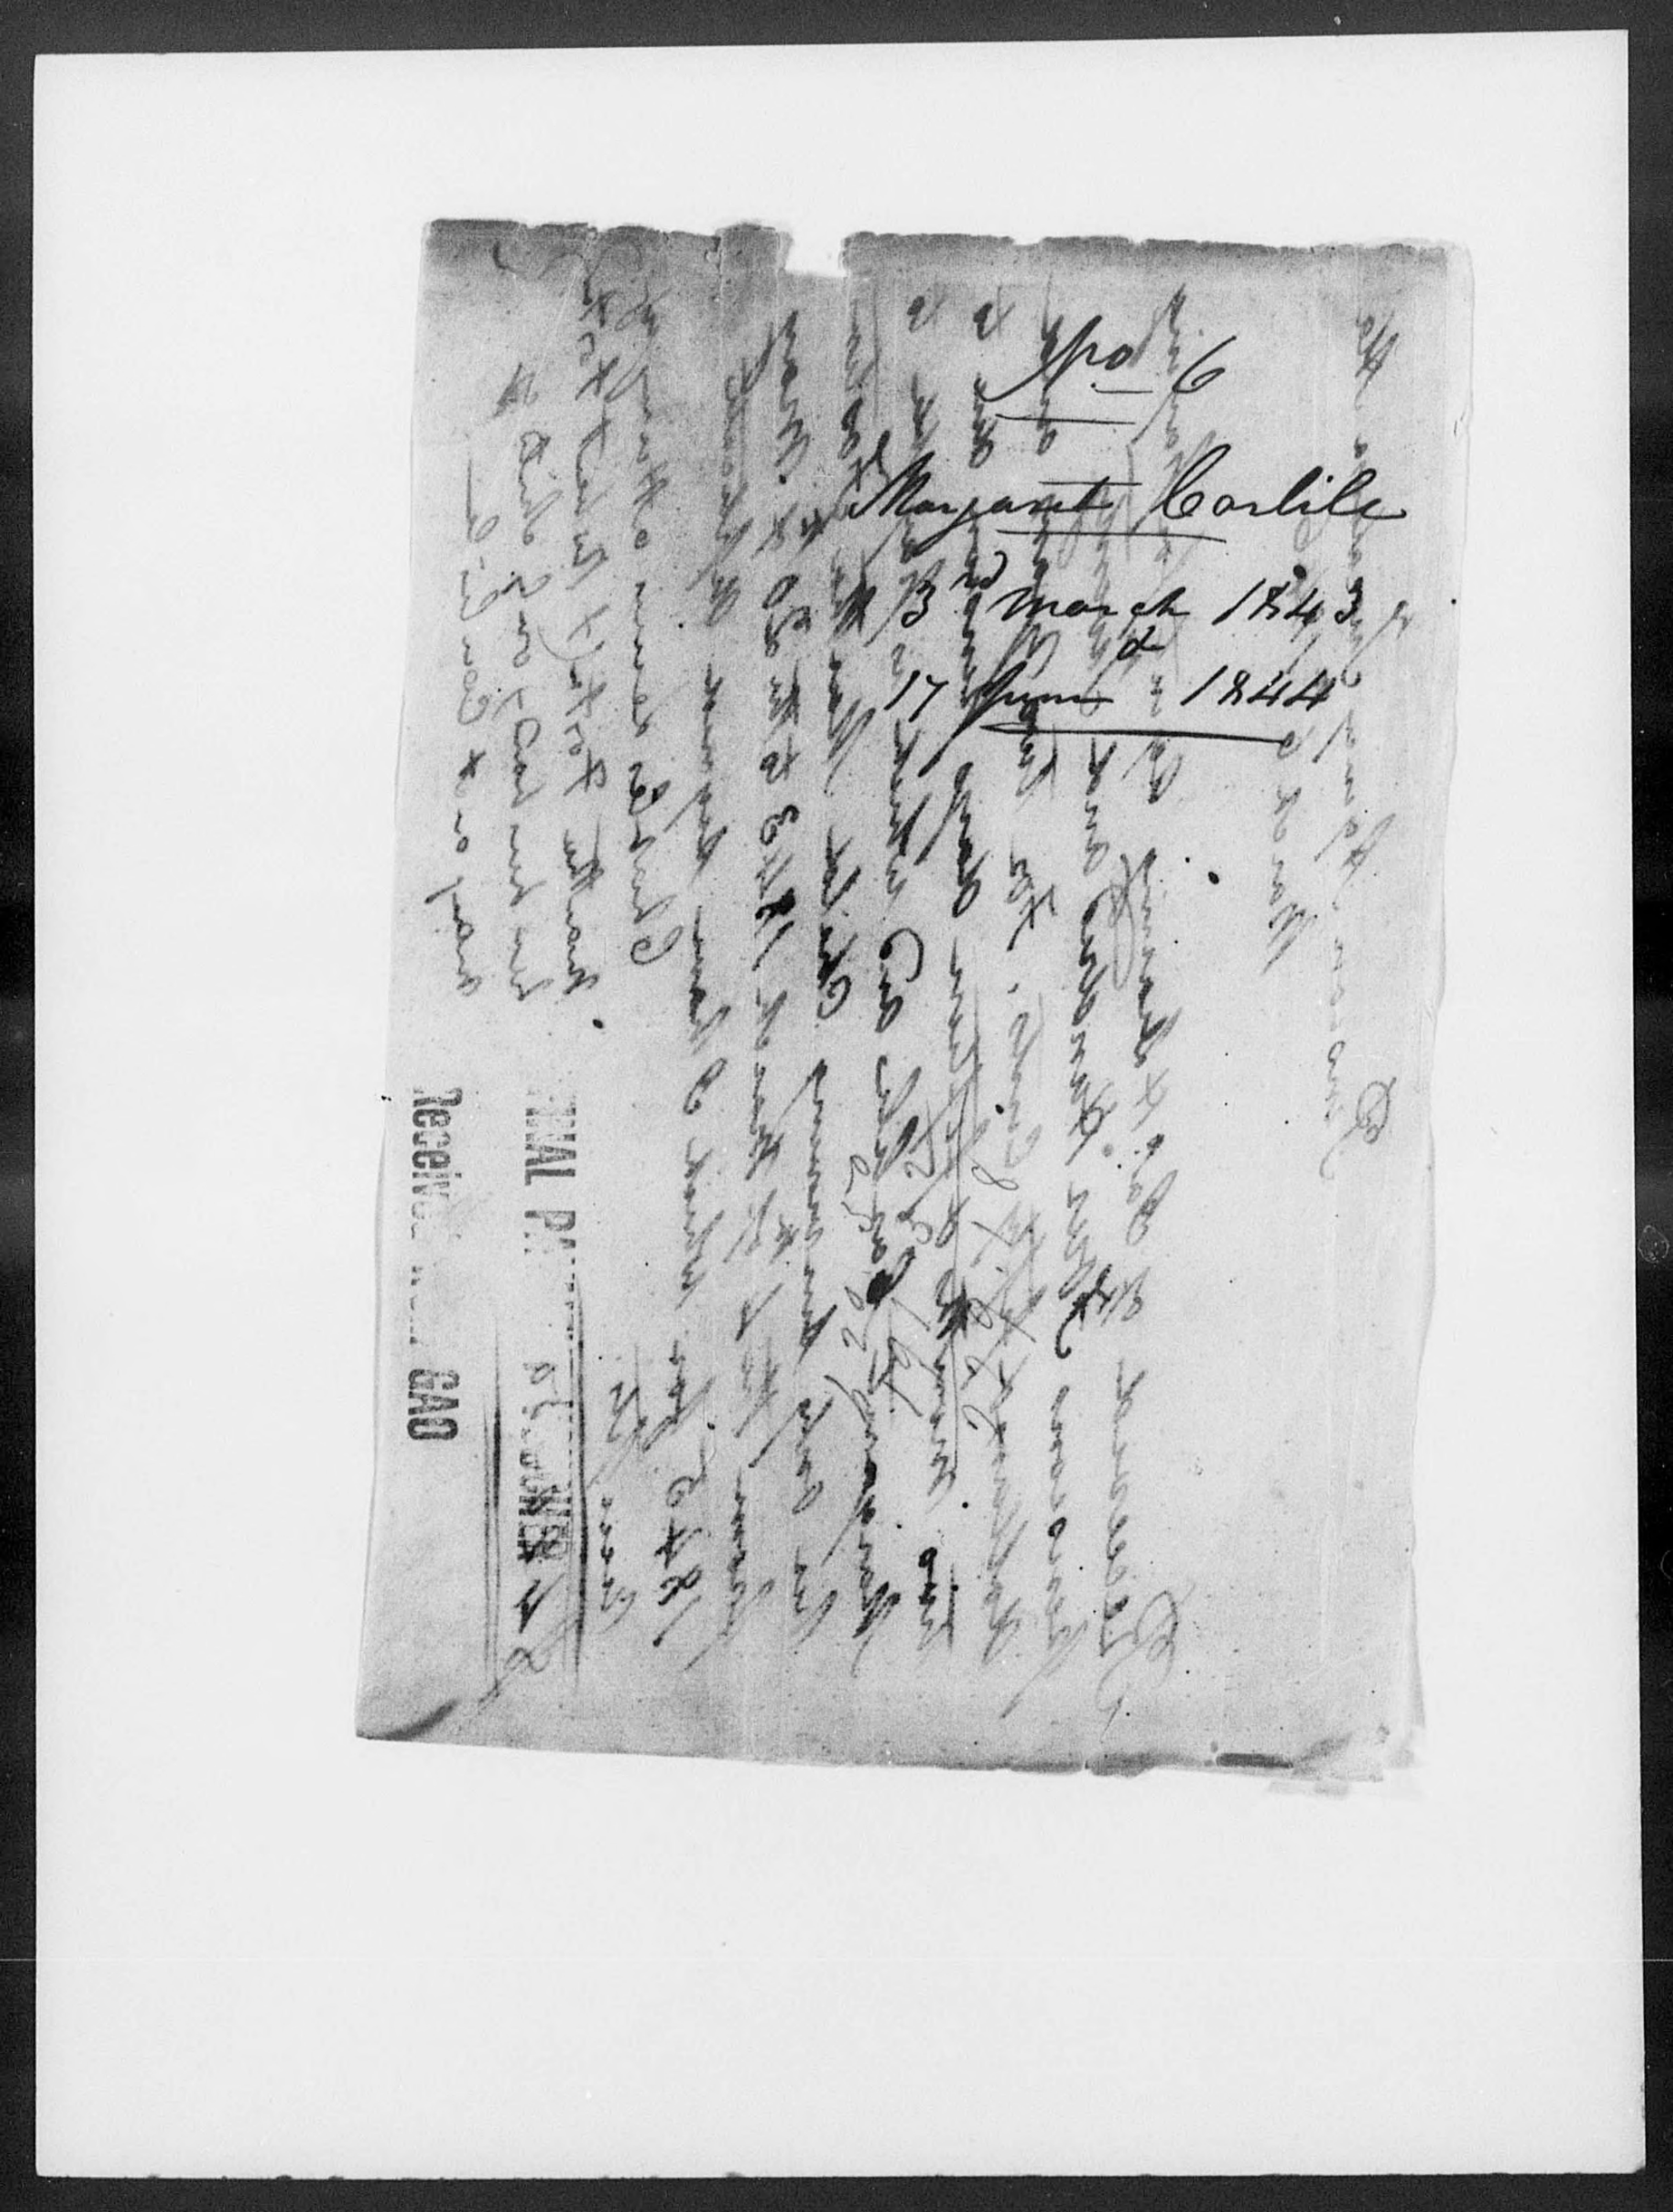No 6
Margaret Carlile
3rd March 1843 &
17 June 1844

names: Margaret Carlile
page: 19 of 91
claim: widow's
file: W. 10576, Francis Carlisle, S.C.